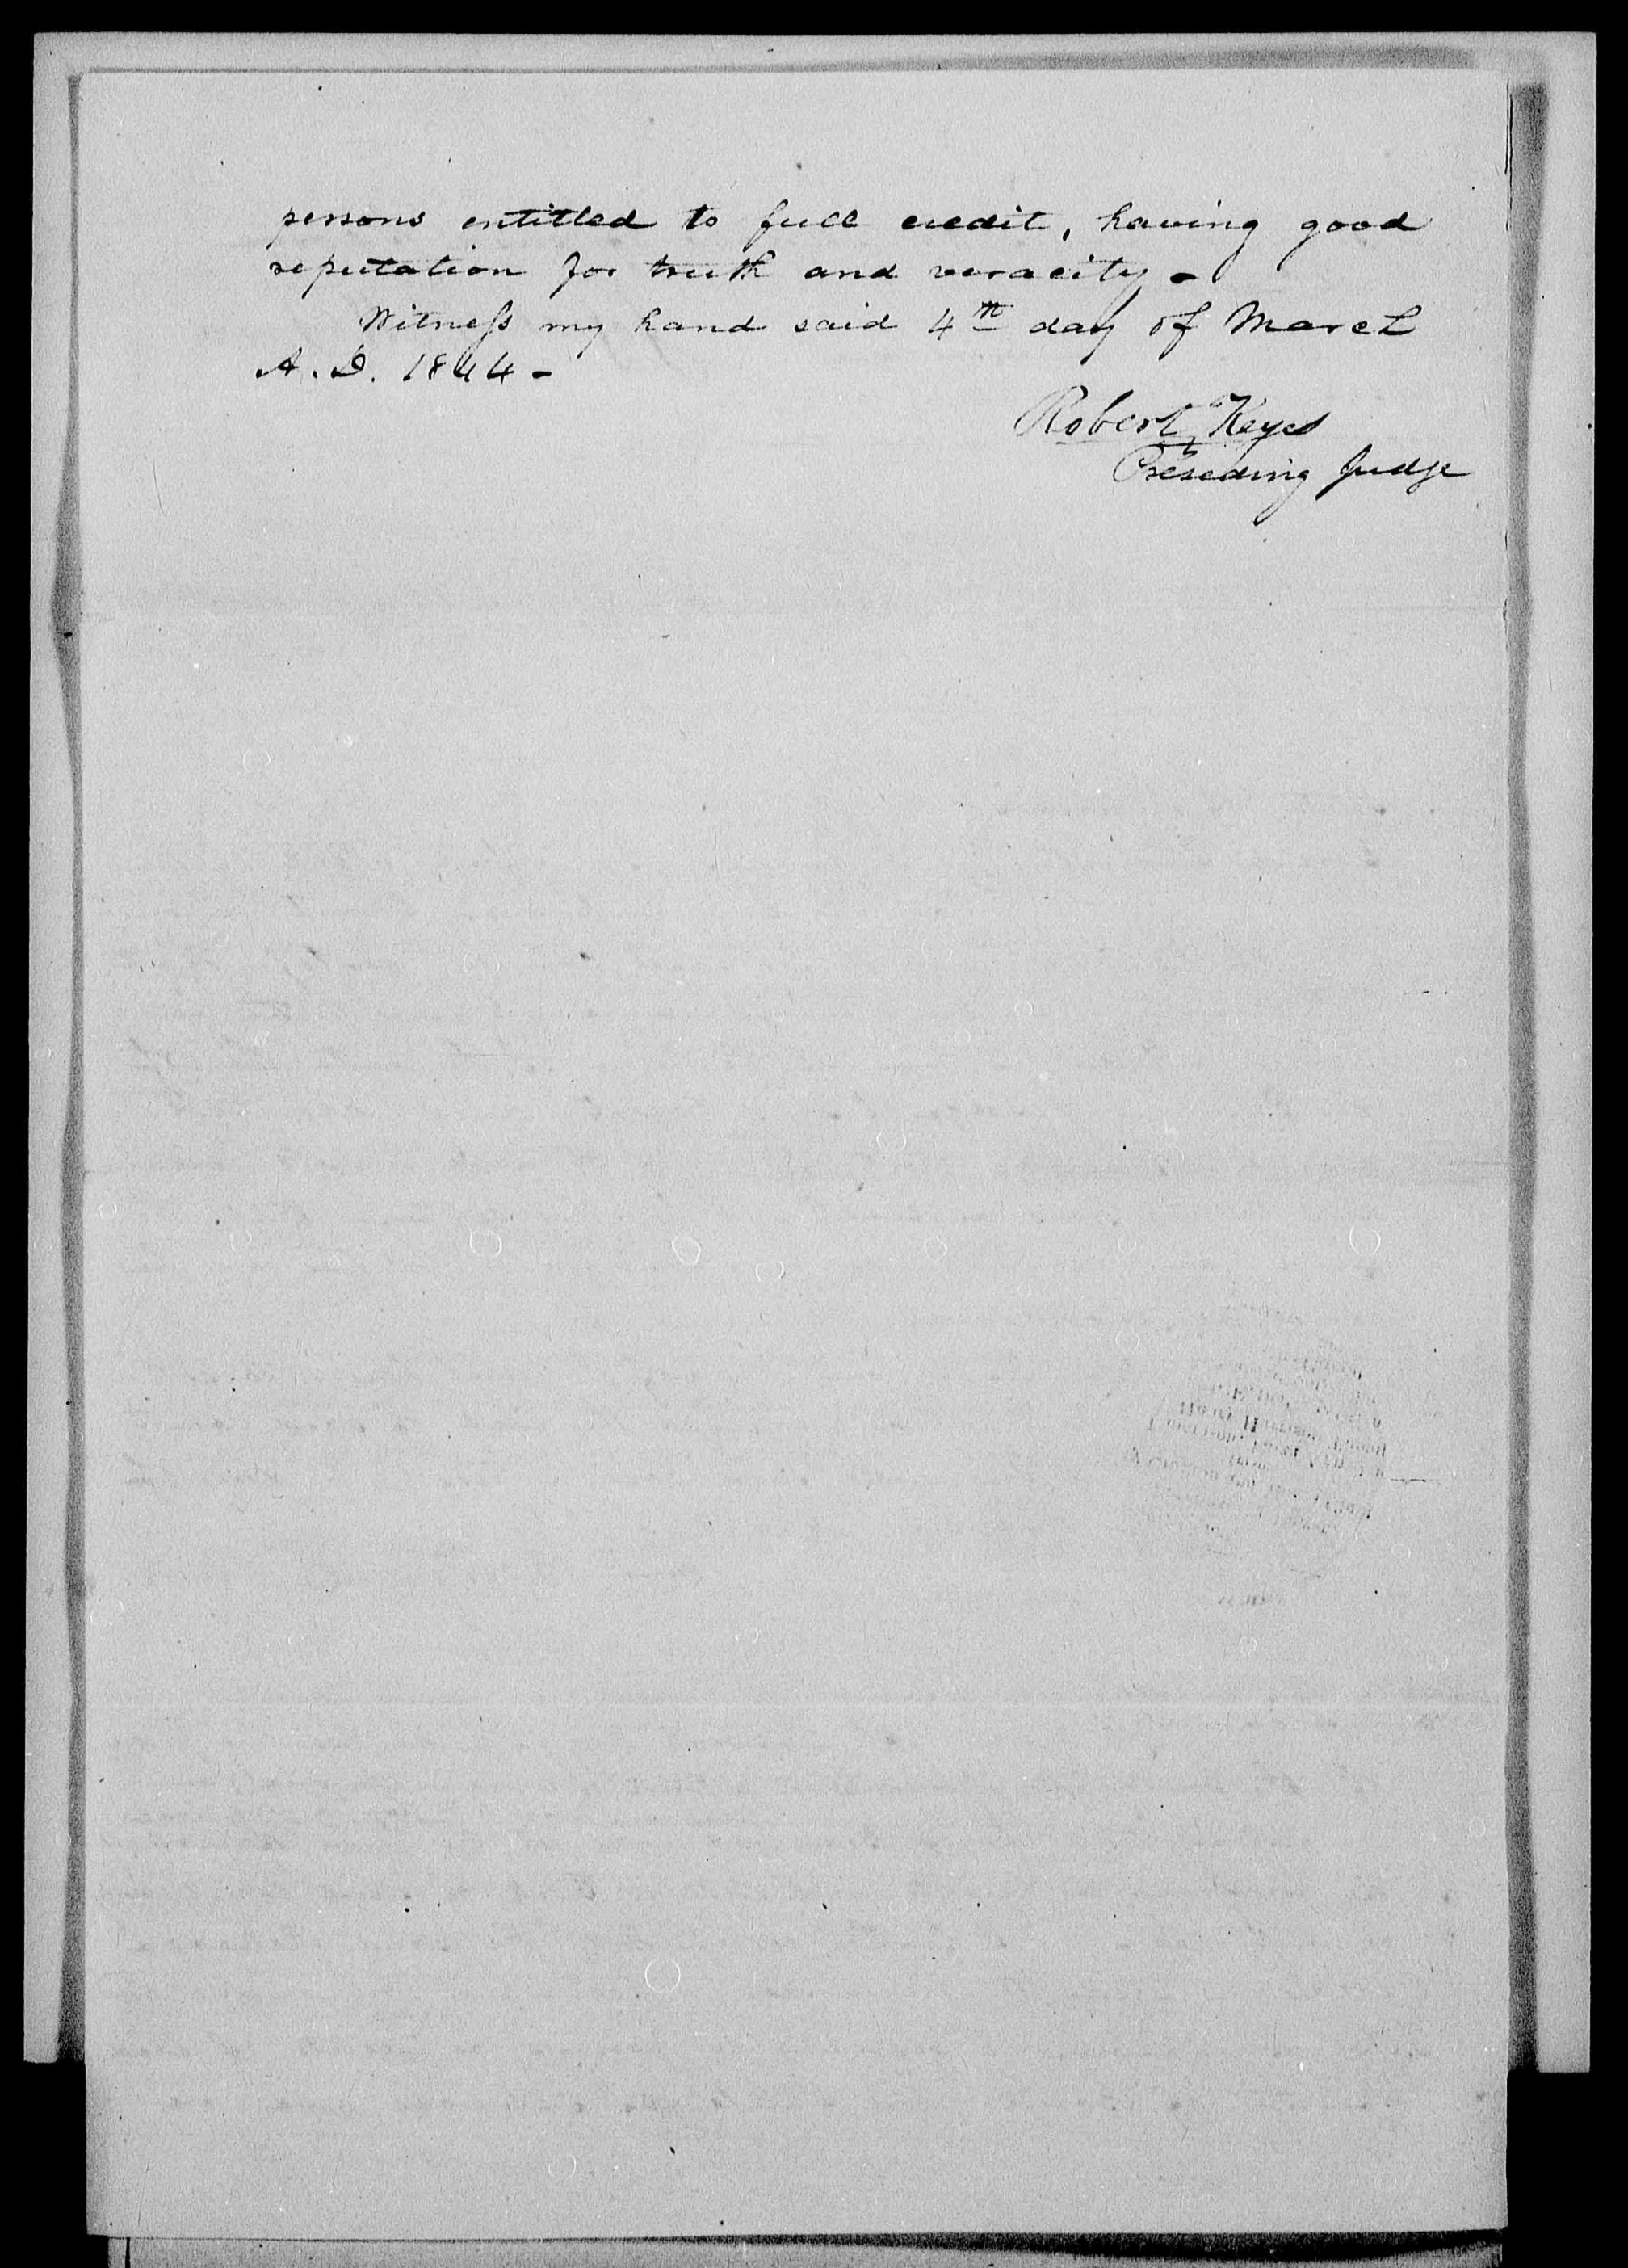persons entitled to full credit, having good reputation for truth and veracity – 
Witness my hand said 4th day of March A.D. 1844 – 
Robert Keyes 
Presiding Judge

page: 9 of 67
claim: widow's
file: W. 21793, for George Mc Lain, North Carolina